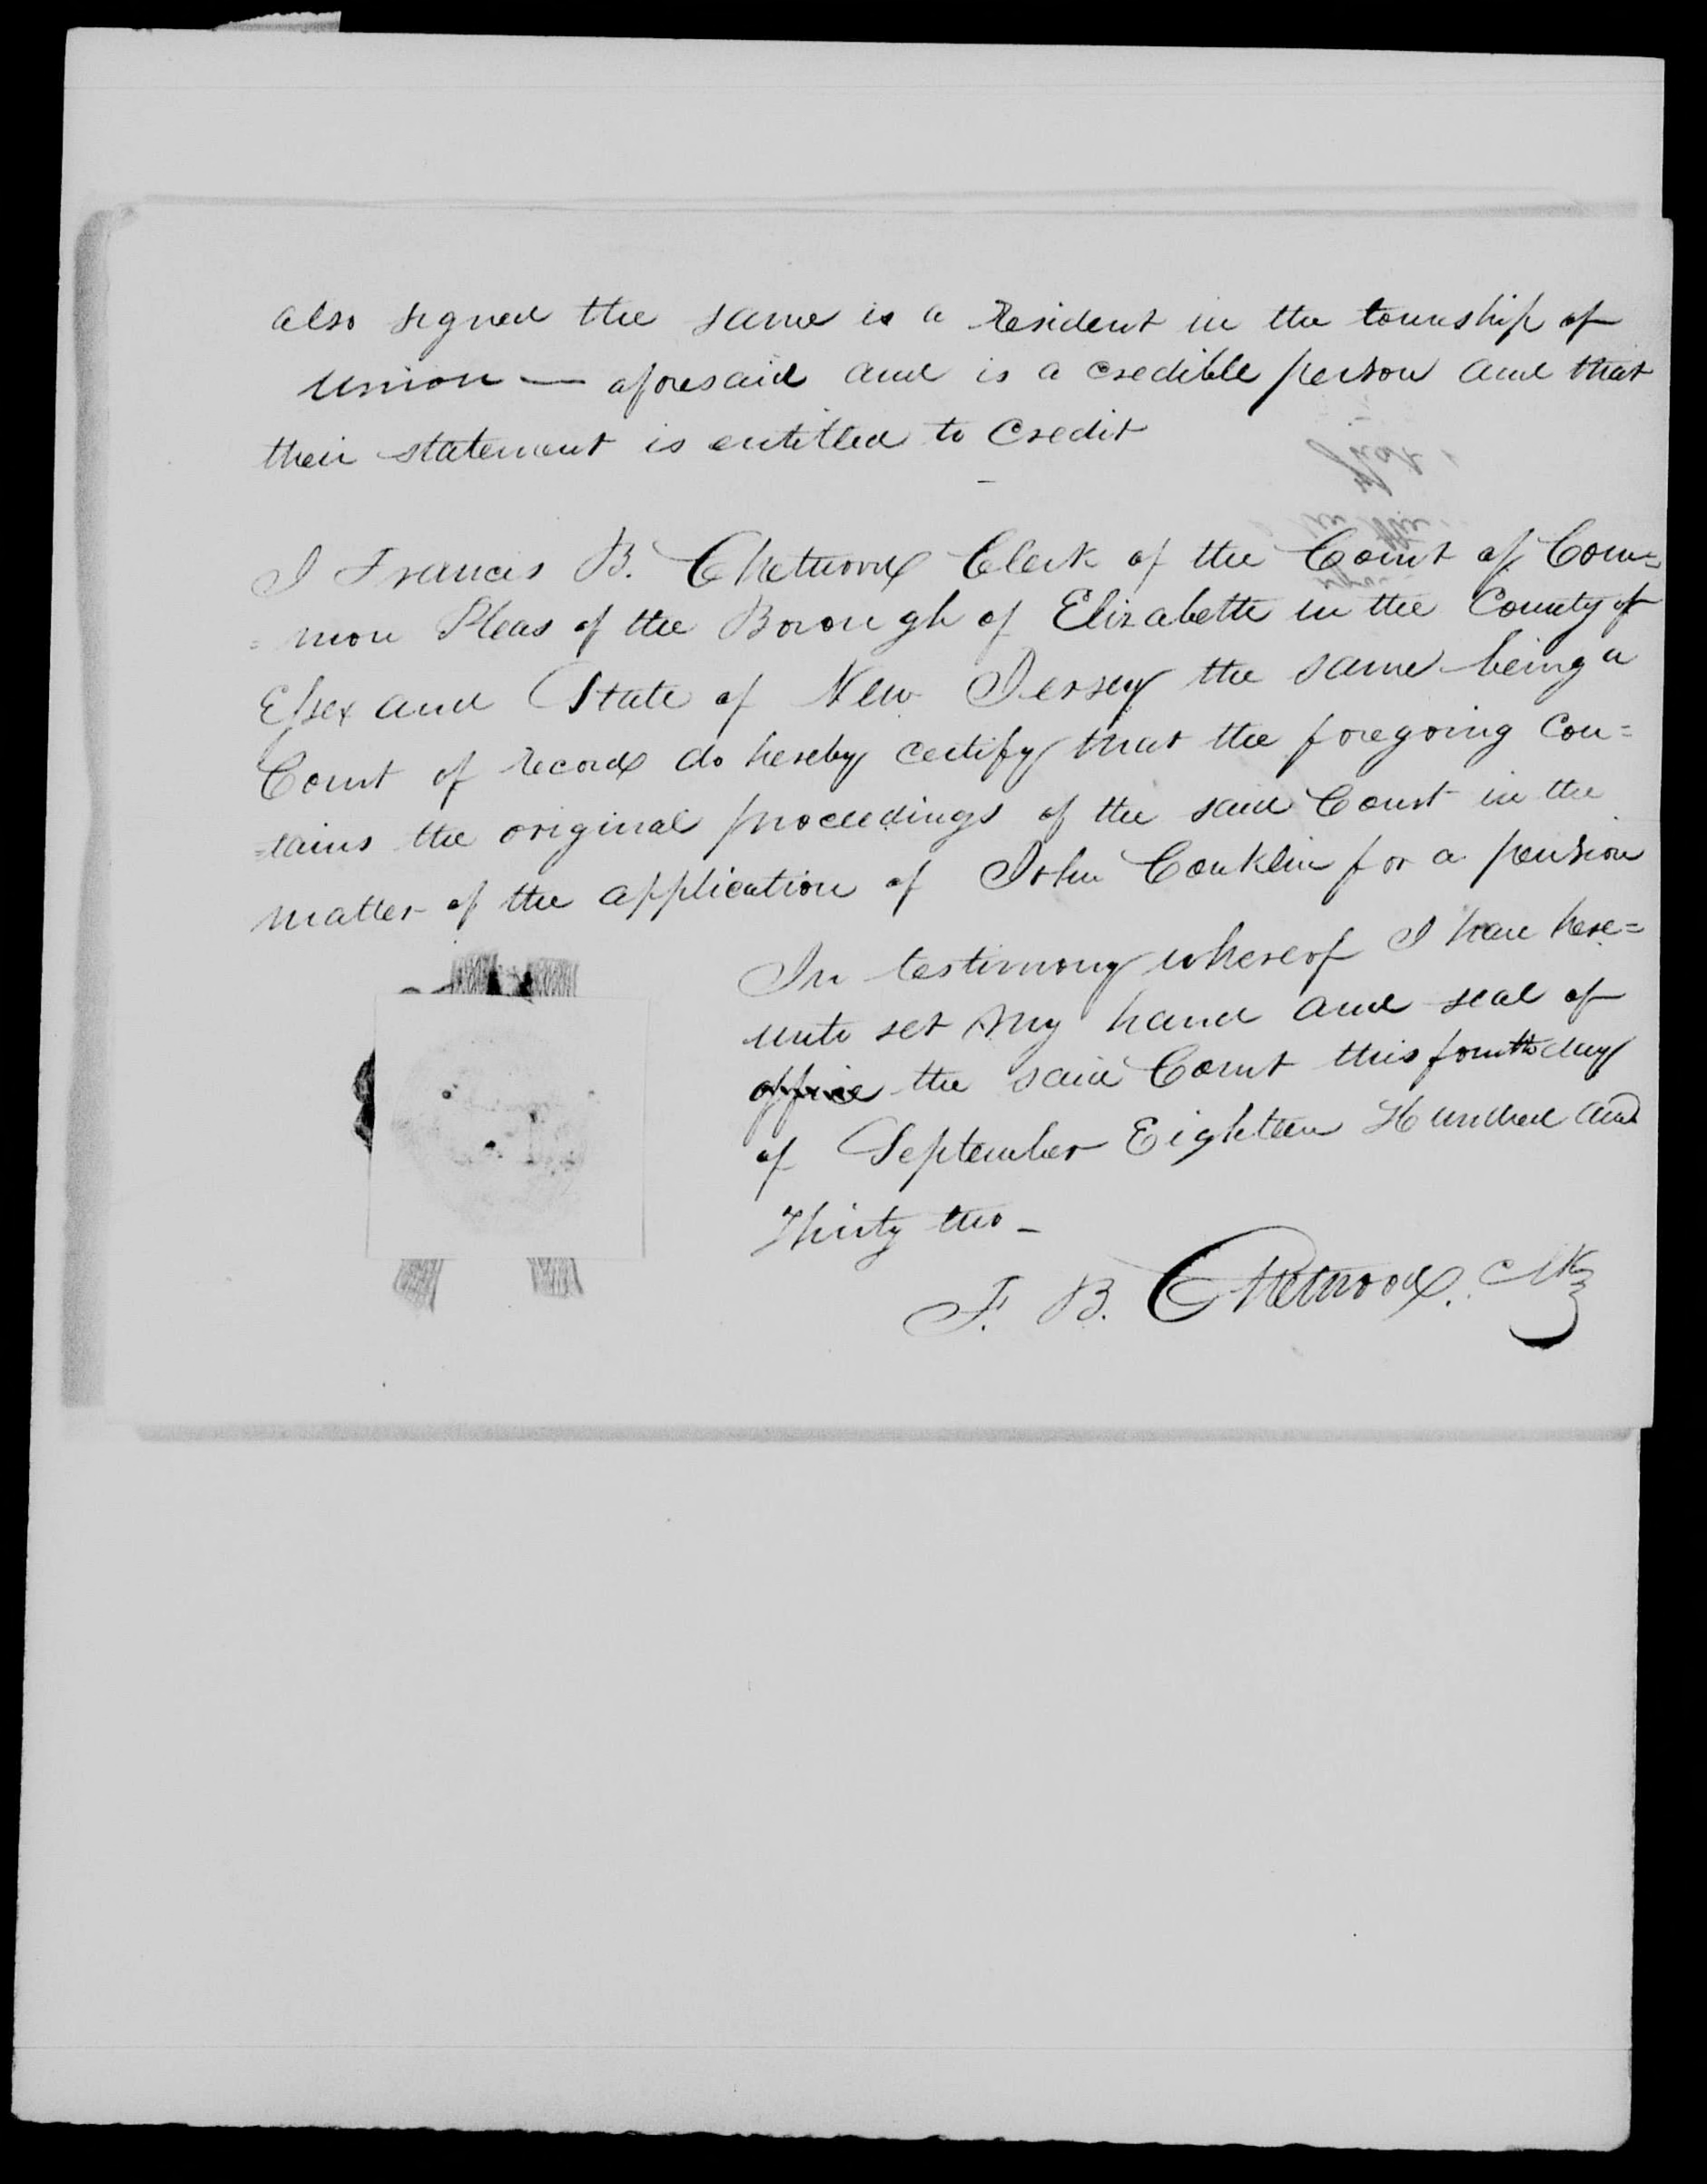also signed the same is a resident in the township of
Union aforesaid and is a credible person and that
their statement is entitled to credit

I Francis B. Chetwood Clerk of the Court of Common 
Pleas of the Borough of Elizabeth in the County of
Essex and State of New Jersey the same being a
Court of record do hereby certify that the foregoing 
contains the original proceedings of the said Court in the
matter of the application of John Conklin for a pension

In testimony whereof I have here
unto set my hand and seal of
office the said Court this fourth day
of September Eighteen Hundred and
Thirty two
F. B. Chetwood Clk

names: Francis B Chetwood, John Conklin, F B Chetwood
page: 9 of 28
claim: survivor's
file: S 2464, John Conklin, New Jersey